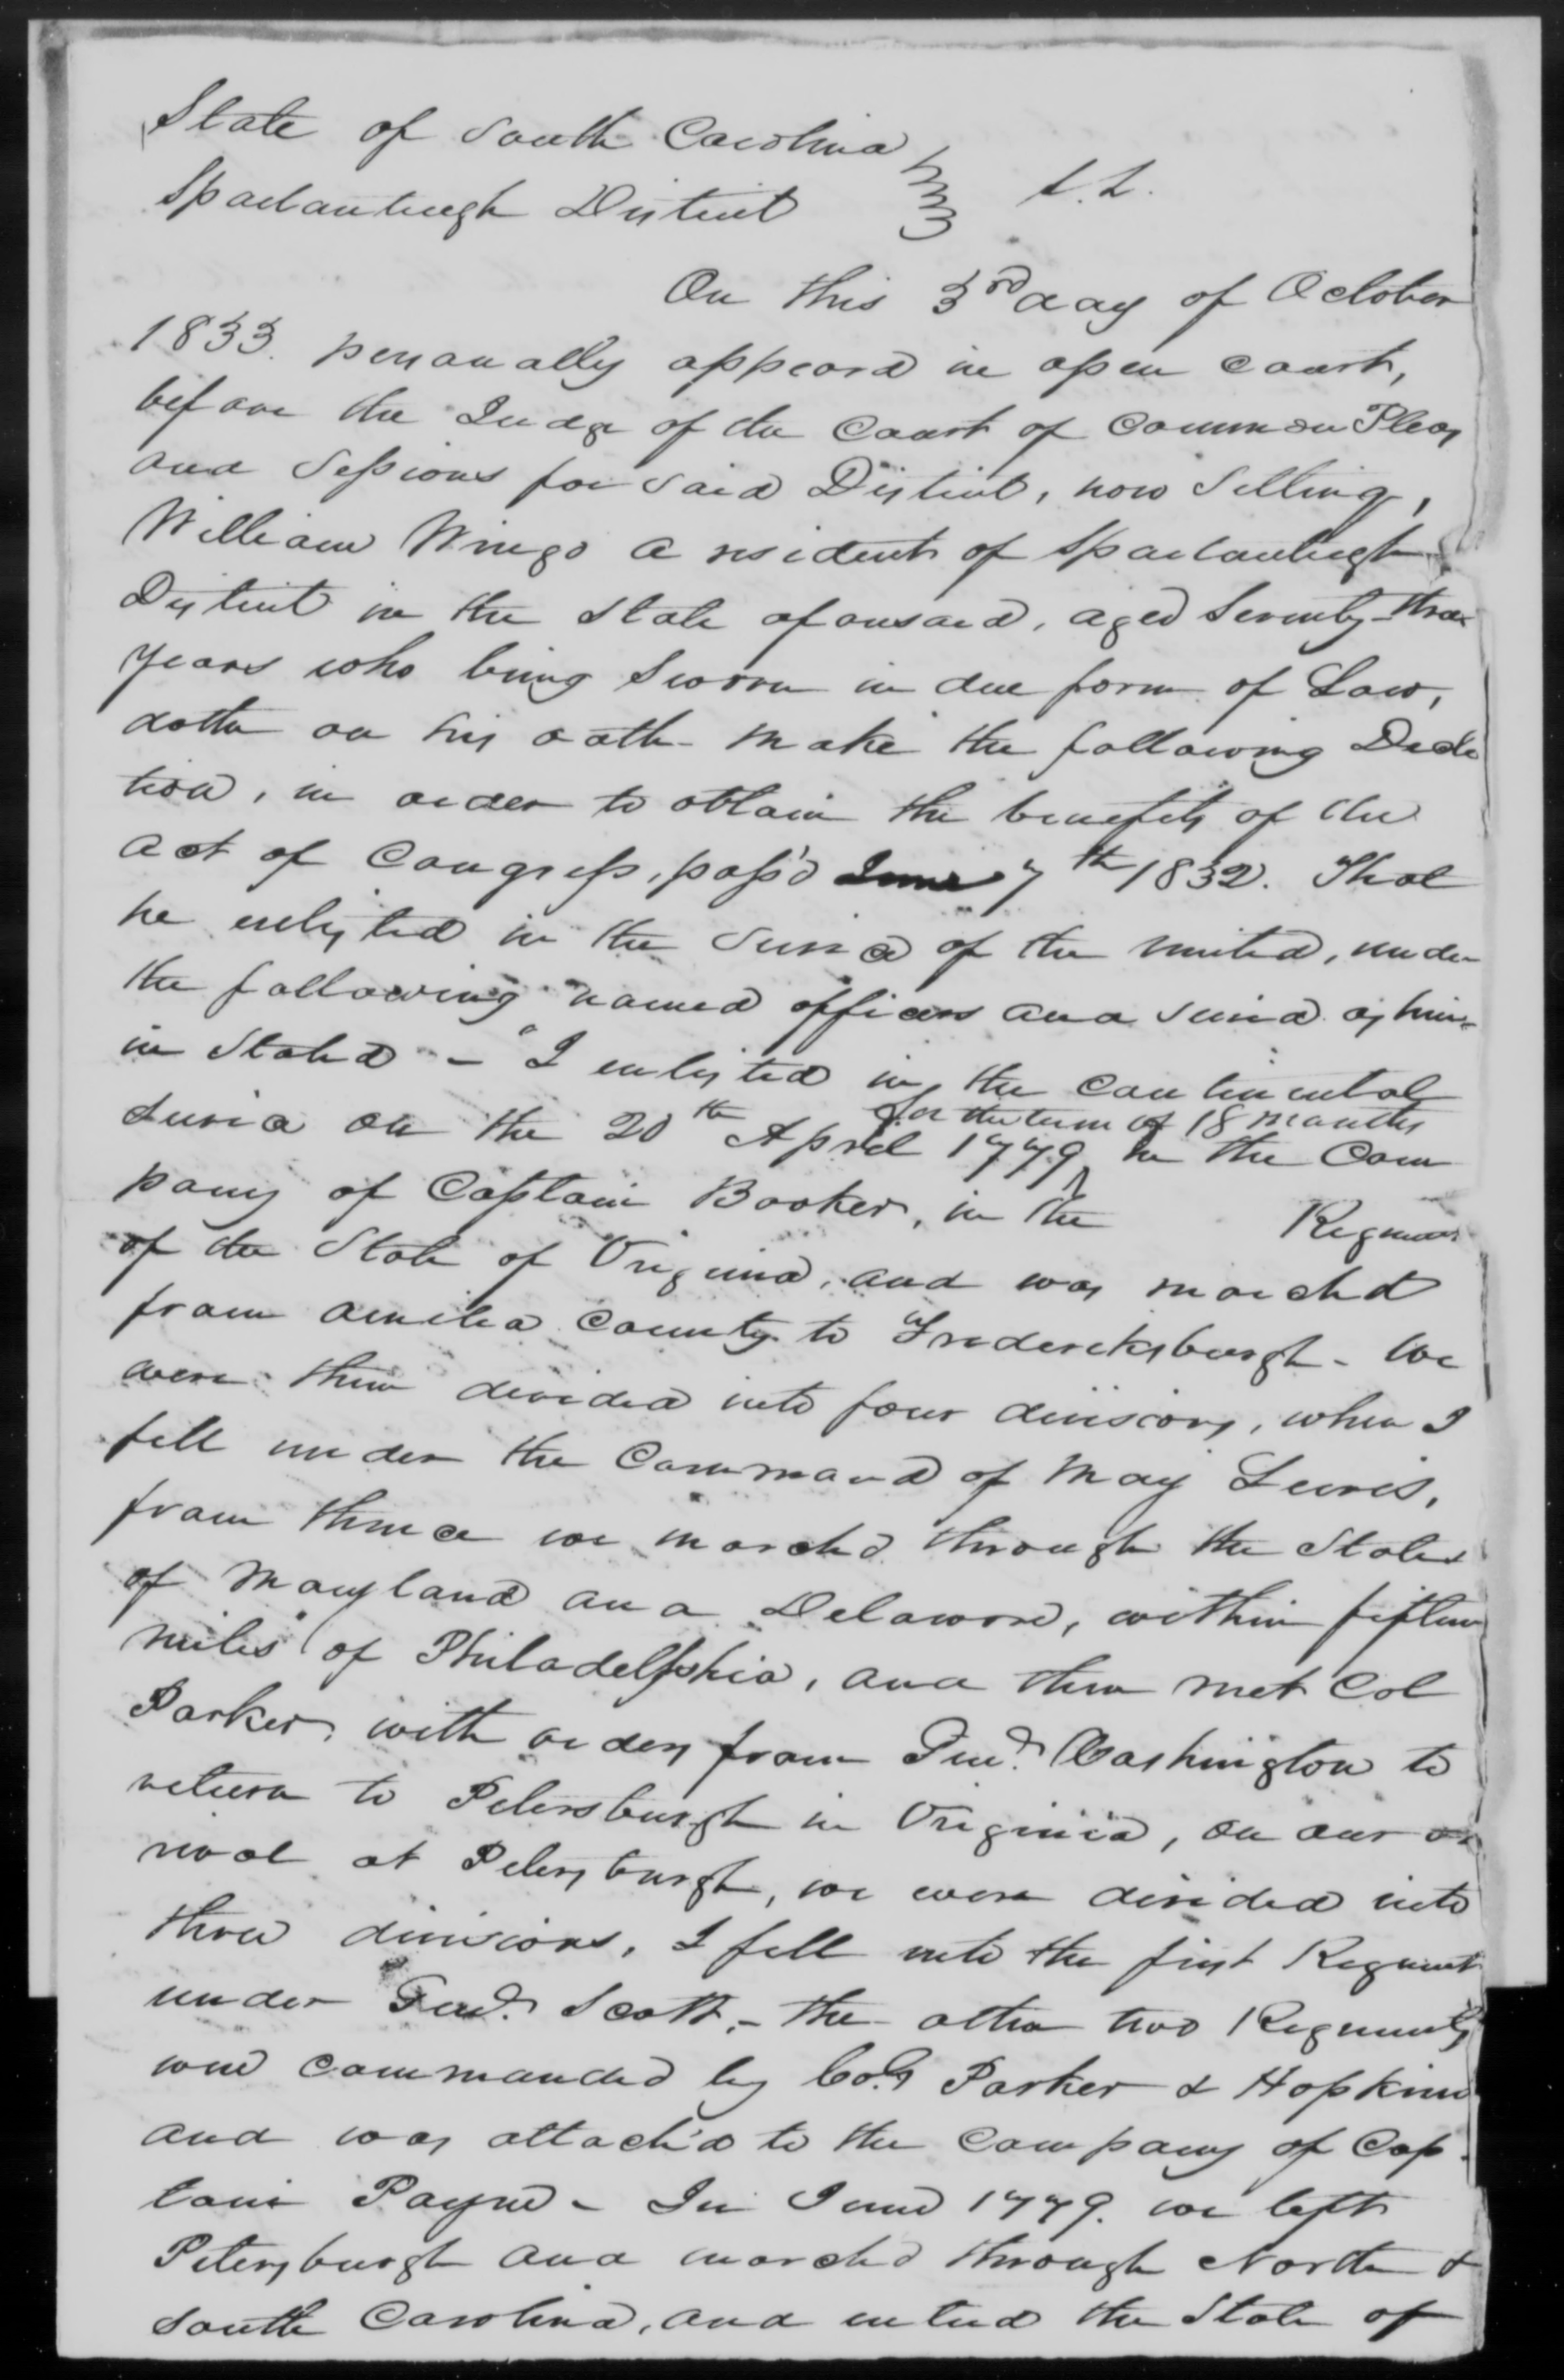State of South Carolina Spartanburgh District } S.S.
On this 3rd day of October 1833 personally appeared in open court before the Judge of the Court of Common Pleas and Sessions for said District, now Setting, William Wingo a resident of Spartanbugh District in the State aforesaid, aged Seventy three years who being sworn in due form of Law, doth on his oath make the following Declaration, in order to obtain the benefits of the Act of Congress, pass'd June 7th 1832. That he enlisted in the service of the militia, under the following named officers and served as here in stated _ "I enlisted in the Continental Service on the 20th April 1779 for the term of 18 months in the company of Captain Booker, in the Regiment of the State of Virginia and was marched from amilea county to Fredercksburgh we were then divided into four divisions, when I fell under the Command of Maj Lewis, from then on we marched through the States of Maryland and a Delaware, within fifteen miles of Philadelphia, and then met Col Parker with order from Genl Washington to return to Petersburg in Virginia, on our arrival at Petersburgh, we were divided into three divisions, I fell into the first Regiment under Genl Scott the other wo Regiments were commanded by Cols Parker & Hopkins and was attach'd to the company of Captains Payne_ In June 1779 we left Petersburg and marchd through North & South Carolina, and enterd the State of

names: Parker, May Lewis, Hopkins, Scott, Washington, Booker, William Wingo, Payne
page: 4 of 19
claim: survivor's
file: S. 7,896, William Wingo, Va.